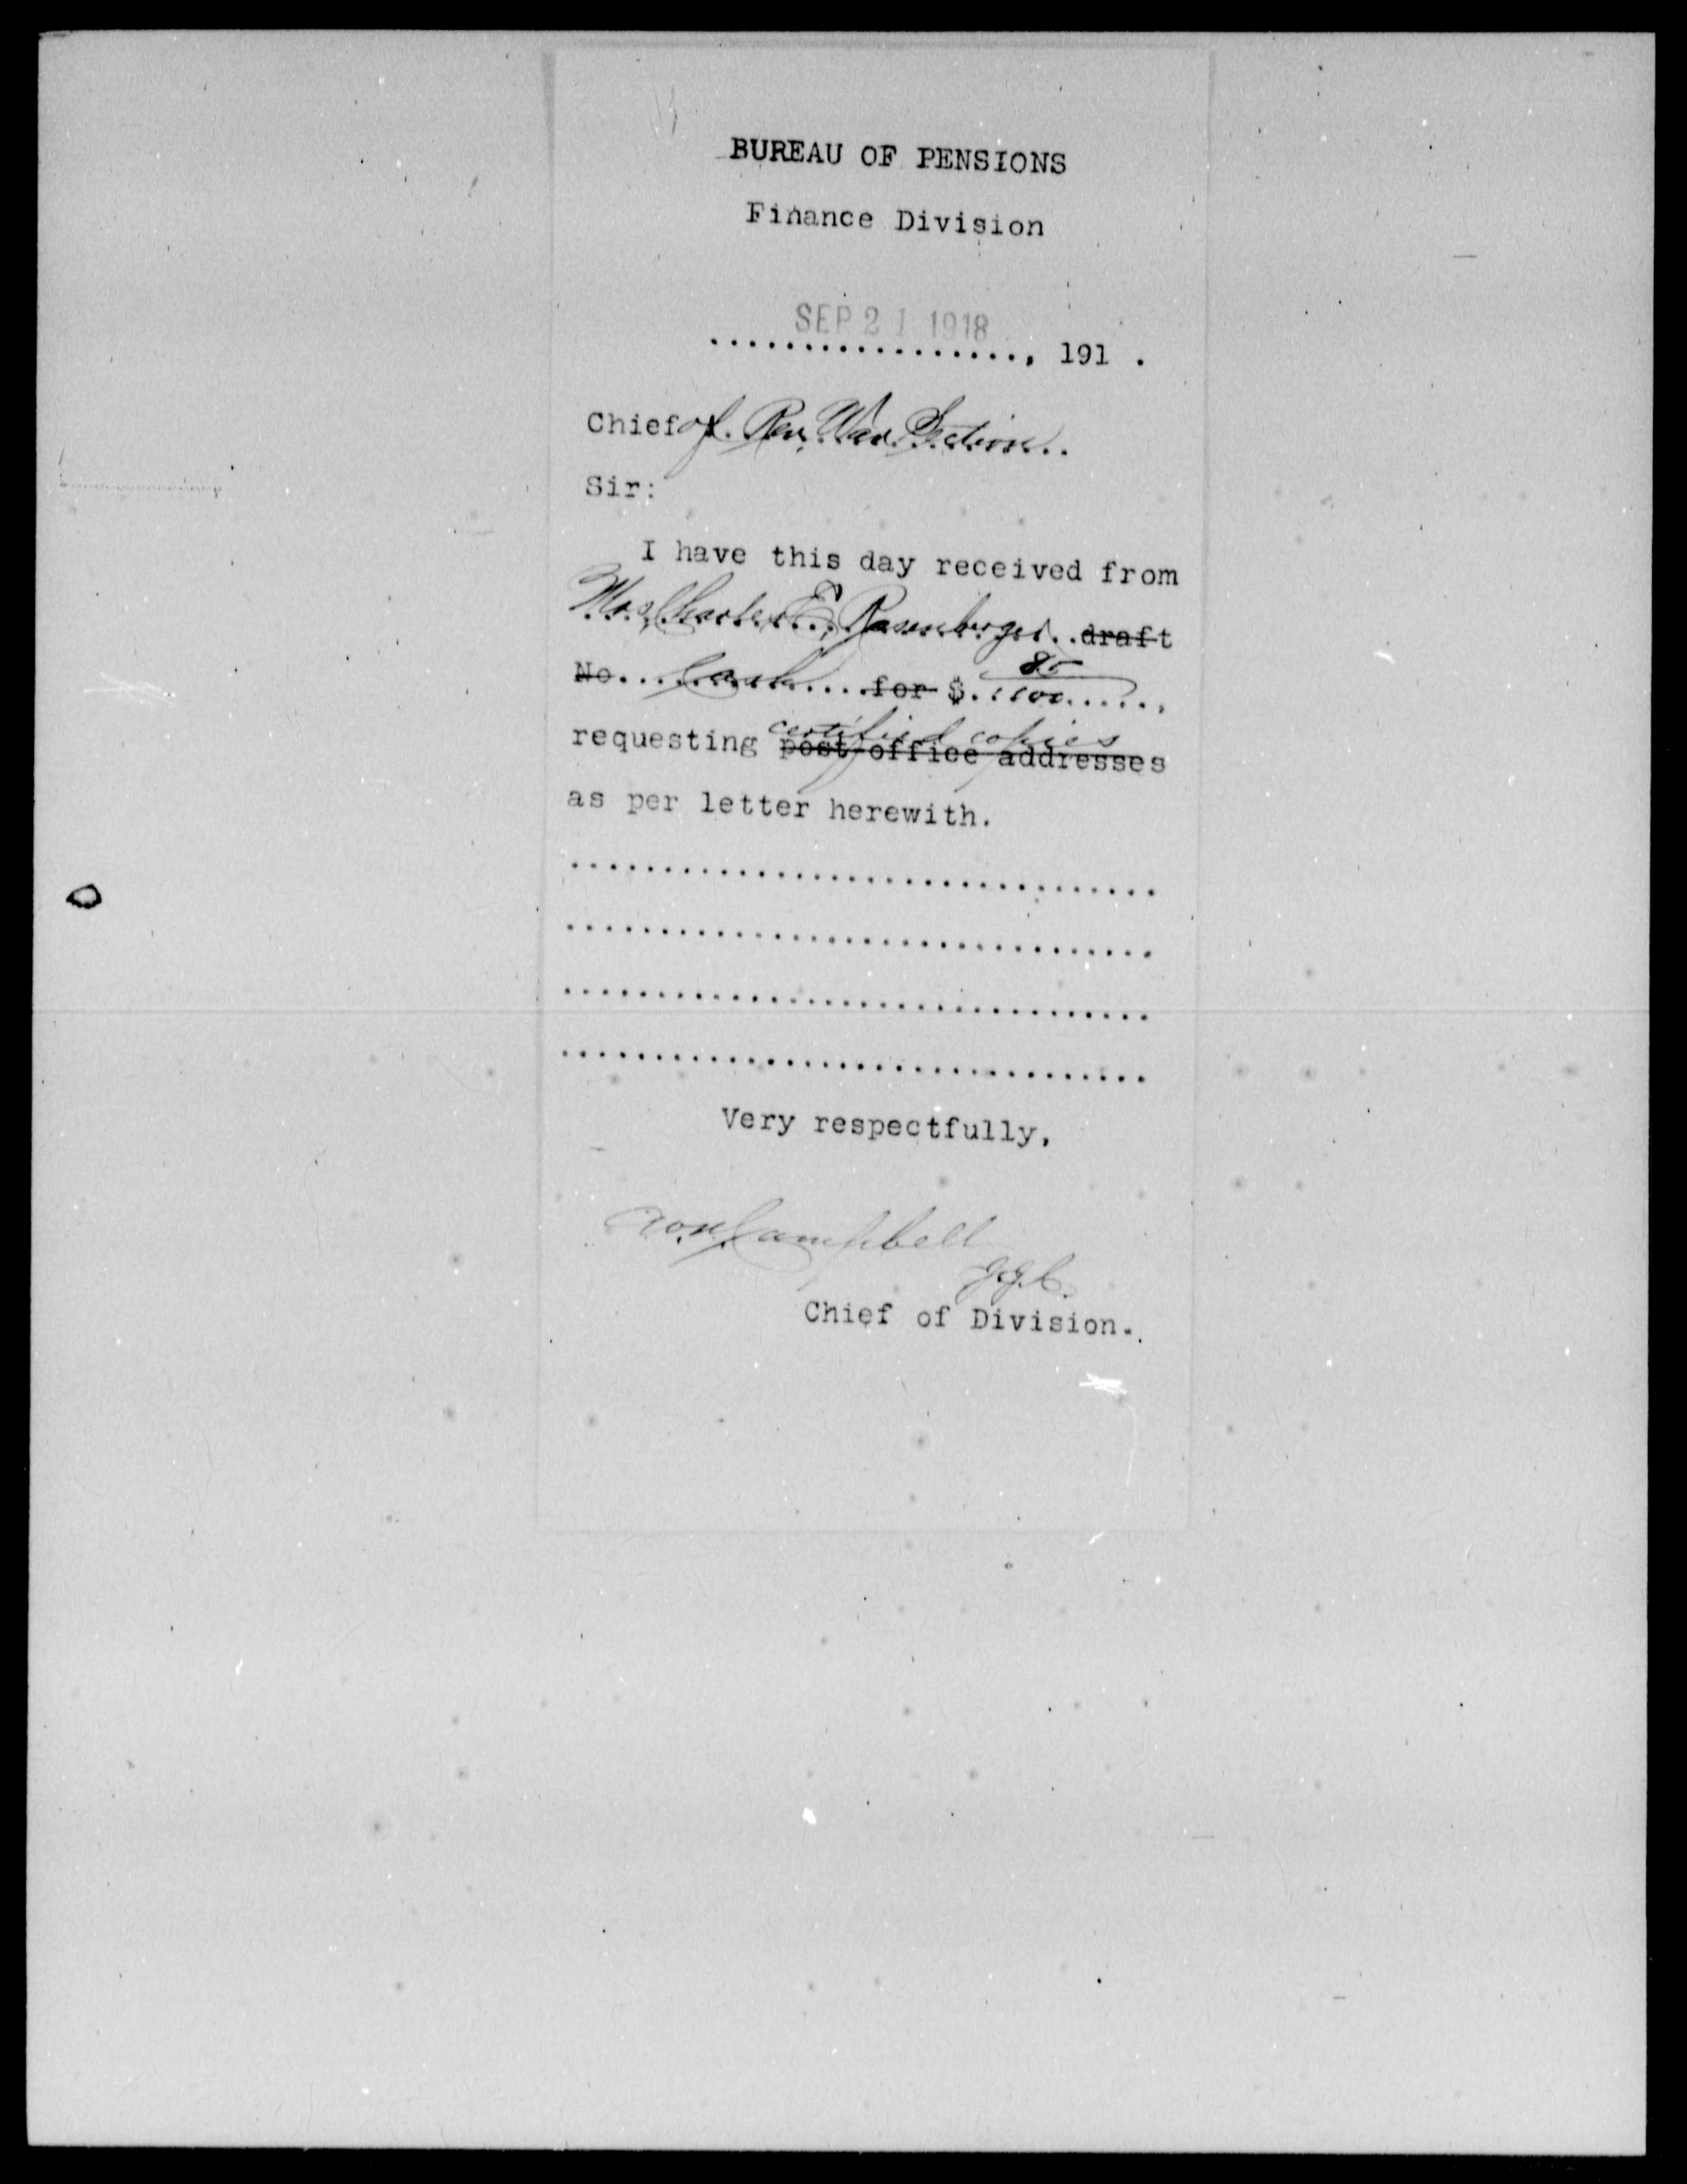BUREAU OF PENSIONS
Finance Division
SEP 21 1918, 191 .
Chief of Rev. War Section
Sir:
I have this day received from Mrs. Charles E. Rosenberger Cash $.85/100 requesting certified copies as per letter herewith.
Very respectfully,
Aon. Campbell
J.J.C.
Chief of Division.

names: Aon Campbell; Charles E Rosenberger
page: 60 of 84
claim: widow's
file: W.11104, for John Remay, Virginia